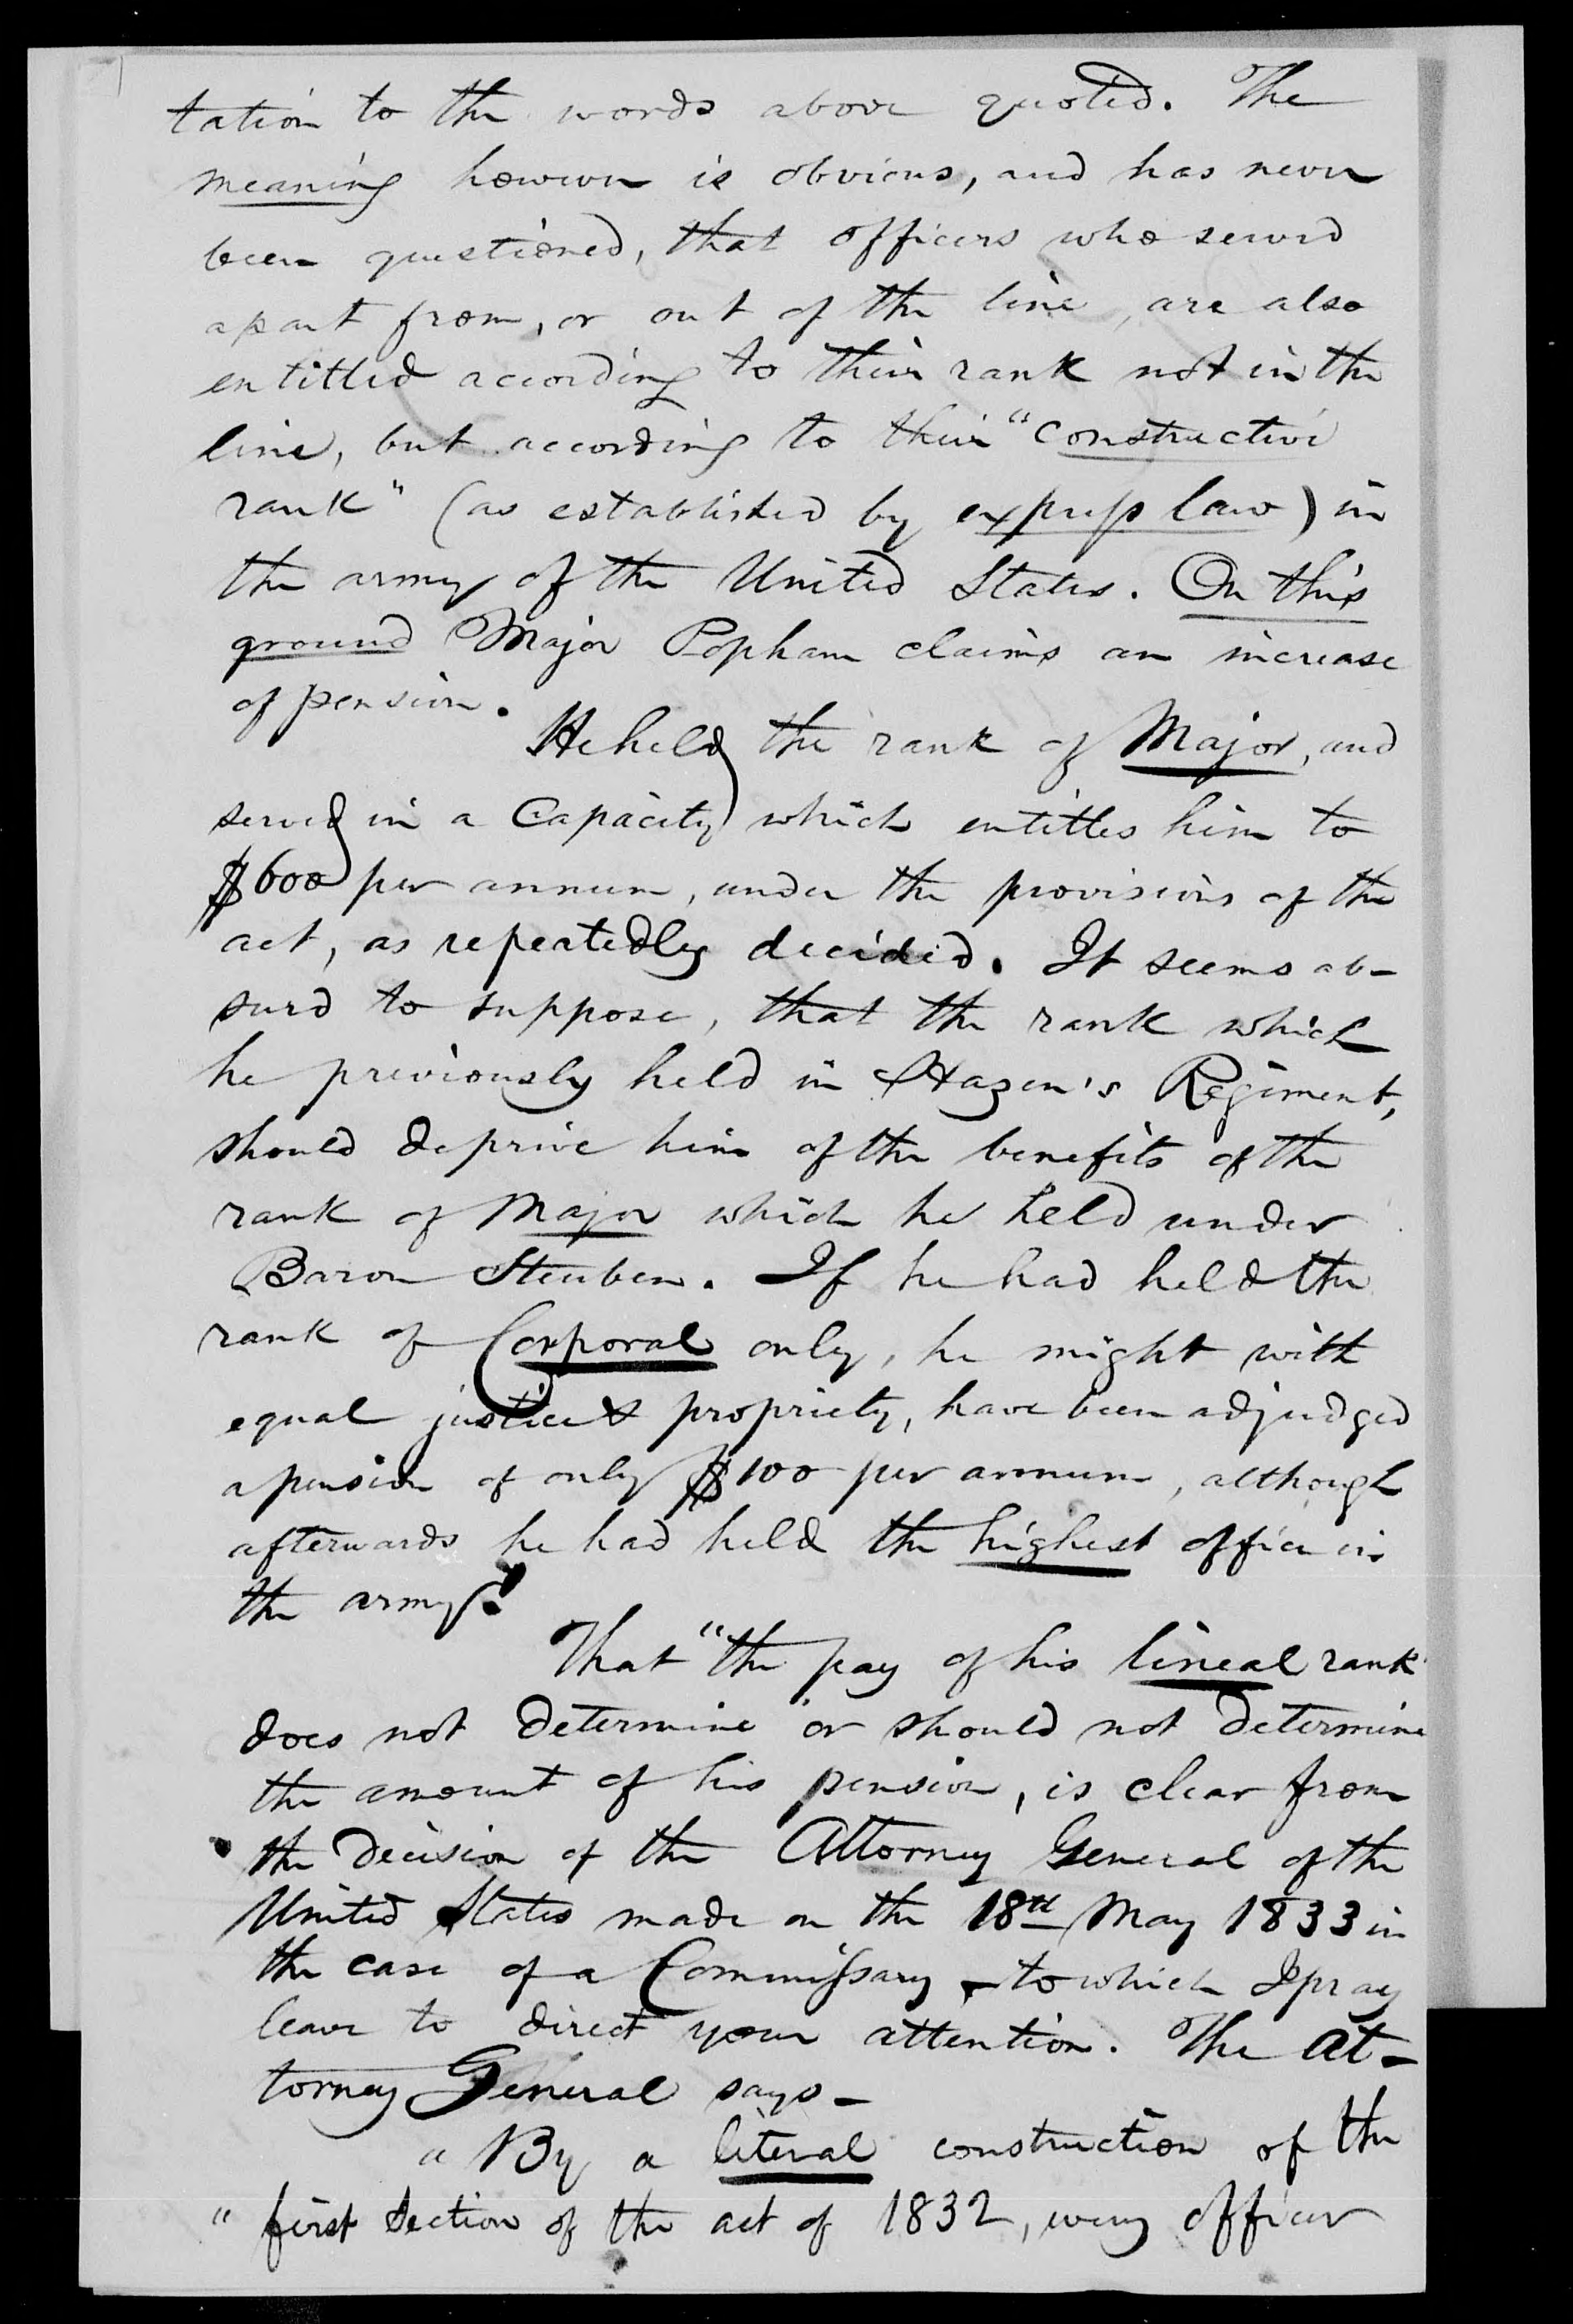tation to the words above quoted. The
meaning however is obvious, and has never
been questioned, that officers who served
apart from, or out of the line, are also
entitled according to their rank not in the
line, but according to their "constructive
rank" (as established by express law) in
the army of the United States. On this
ground
Major Popham claims an increase
of pension
He held
the rank of Major, and
served in a Capacity which entitles him to
$600 per annum, under the provisions of the
act, as repeatedly decided. It seems absurd
to suppose, that the rank which
he previously held in Hazen's Regiment,
should deprive him of the benefits of the
rank of Major which he held under
Baron Steuben. If he had held the
rank of Corporal only, he might with
equal justice & propriety, have been adjudged
pension of only $100 per annum, although
afterwards he had held the highest office in
the army
That "the pay of his lineal rank
does not determine or should not determine
the amount of his pension, is clear from
the decision of the Attorney General of the
United States made on the 18th May 1833 in
the case of a Commissary to which I pray
leave to direct your attention. The attorney General says-
"By a literal
construction of the "first section of the
act of 1832, every officer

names: Baron Steuben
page: 64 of 75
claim: survivor's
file: S. 9989, for William Popham, Delaware